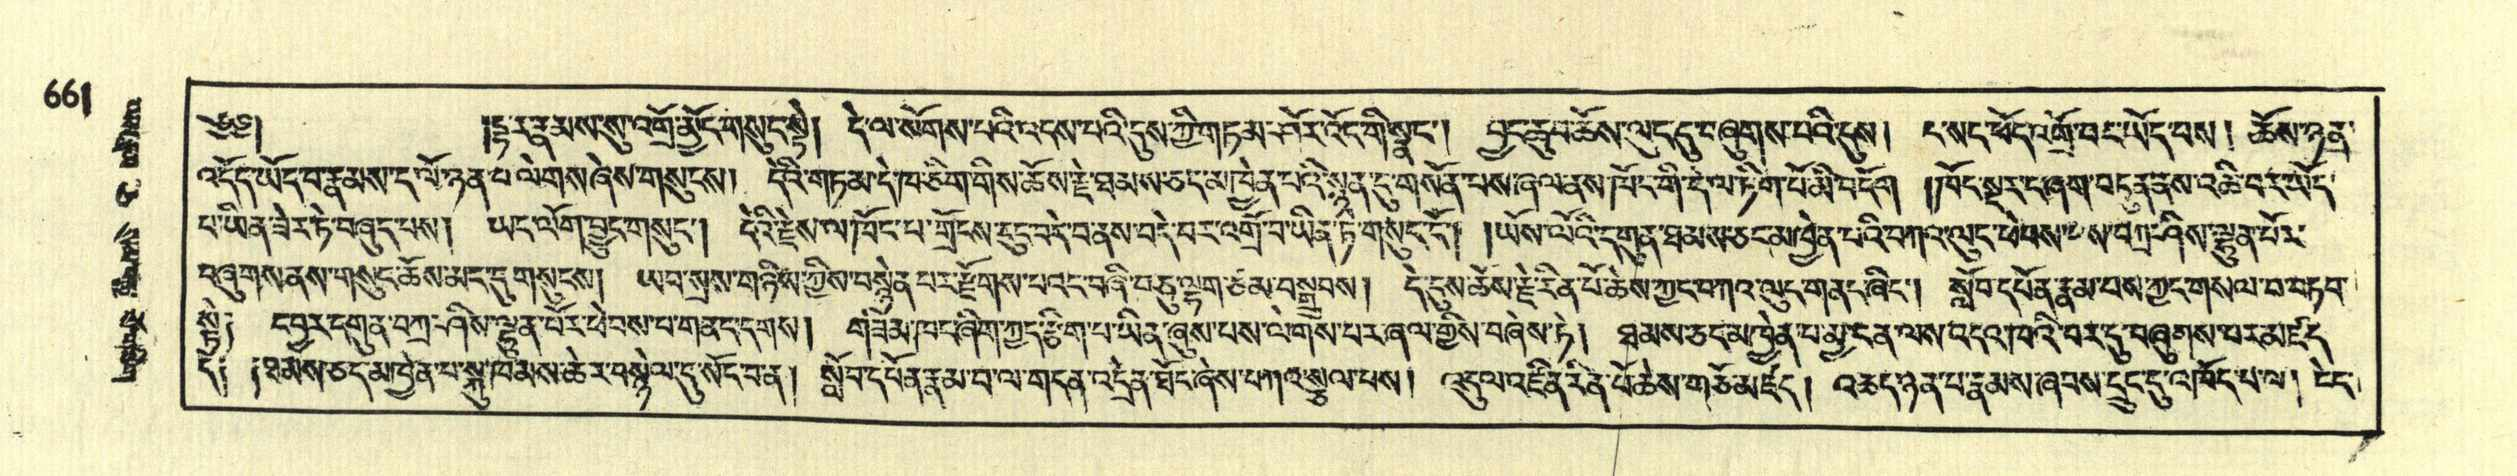༄༅། །དྷ་ར་རྣམས་སུ་འགྲོ་མྱོང་གསུང་སྟེ། དེ་ལ་སོགས་པའི་འདས་པའི་དུས་ཀྱི་གཏམ་ཤོར་འོད་གི་སྣང་། བྱང་ཆུབ་ཆོས་ལུང་དུ་བཞུགས་པའི་དུས། ང་སང་ཕོད་འགྲོ་བར་ཡོད་བས། ཆོས་ཉན་
འདོད་ཡོད་བ་རྣམས་ད་ལོ་ཉན་པ་ལེགས་ཞེས་གསུངས། དེའི་གཏམ་དེ་ཁ་ཅིག་གིས་ཆོས་རྗེ་ཐམས་ཅད་མཁྱེན་པའི་སྙན་དུ་གསོན་པས་ཞལ་ནས་ཁོང་གི་དེ་ལ་ཏིག་པོ་མི་བདོག །ཁོང་སྔར་བཞག་བཏུན་ནས་འཆི་བར་ཡོད་
པ་ཡིན་ཟེར་ཏེ་བཞུད་པས། ཡང་ལོག་བྱུང་གསུང་། དེའི་རྗེས་ལ་ཁོང་པ་གྲོངས་དུང་བདེ་བ་ནས་བདེ་བར་འགྲོ་བ་ཡིན་ཏེ་གསུང་ངོ། །ཡོས་ལོའི་དགུན་ཐམས་ཅད་མཁྱེན་པའི་བཀའ་ལུང་ཕེབས་པས་བཀྲ་ཤིས་ལྷུན་པོར་
བཞུགས་ནས་གསུང་ཆོས་མང་དུ་གསུངས། ཡབ་སྲས་གཉིས་ཀྱིས་བསྙེན་པར་རྫོགས་པའང་བཞི་བཅུ་ལྷག་ཙམ་བསྒྲུབས། དེ་དུས་ཆོས་རྗེ་རིན་པོ་ཆེས་ཀྱང་བཀའ་ལུང་གནང་ཞིང་། སློབ་དཔོན་རྣམས་པས་ཀྱང་གསལ་བ་བཏབ་
སྟེ༑ དབྱར་དགུན་བཀྲ་ཤིས་ལྷུན་པོར་ཕེབས་པ་གནད་དགས། གཟིམ་ཁང་ཞིག་ཀྱད་རྩིག་པ་ཡིན་ཞུས་པས་ལེགས་པར་ཞལ་གྱིས་བཞེས་ཏེ། ཐམས་ཅད་མཁྱེན་པ་མྱ་ངན་ལས་འདའ་ཁའི་བར་དུ་བཞུགས་པར་མཛད་
དེ༑ ༑ཐམས་ཅད་མཁྱེན་པ་སྐུ་ཁམས་ཆེར་བསྙེལ་དུ་སོང་བ་ན། སློབ་དཔོན་རྣམ་བ་ལ་གདན་འདྲེན་ཐོང་ཞེས་བཀའ་སྩལ་པས། འདུལ་འཛིན་རིན་པོ་ཆེས་གཅོ་མཛད། འཆད་ཉན་པ་རྣམས་ཞབས་དྲུང་དུ་འཁོད་པ་ལ། ངེད་